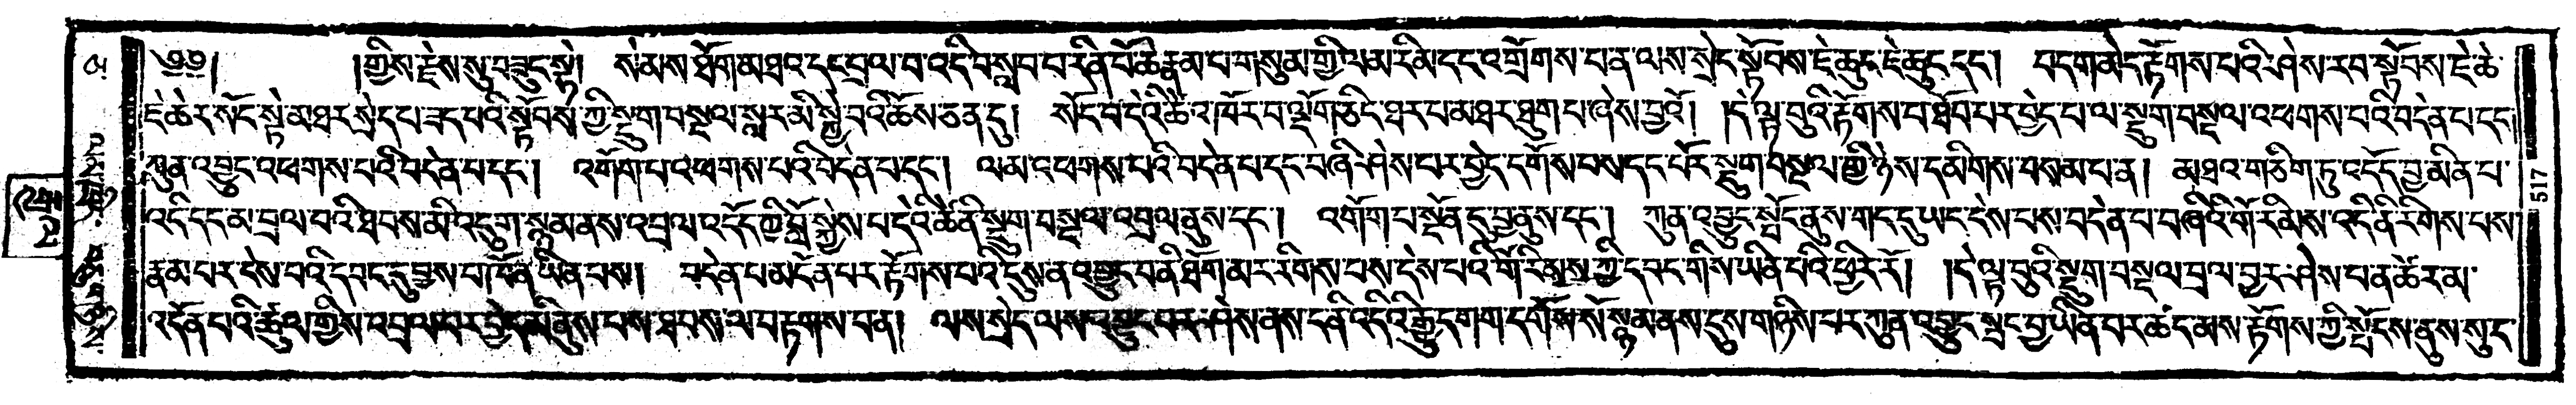༄༅། །གྱིས་རྗེས་སུ་བཟུང་སྟེ། སེམས་ཐོག་མཐའ་དང་བྲལ་བ་འདི་བསླབ་པ་རིན་པོ་ཆེ་རྣམ་པ་གསུམ་གྱི་ལམ་རིམ་དང་འགྲོགས་པ་ན་ལས་སྲེད་སྟོབས་ཇེ་ཆུང་ཇེ་ཆུང་དང་། བདག་མེད་རྟོགས་པའི་ཤེས་རབ་སྟོབས་ཇེ་ཆེ་
ཇེ་ཆེར་སོང་སྟེ་མཐར་སྲེད་པ་ཟད་པའི་སྟོབས་ཀྱི་སྡུག་བསྔལ་སླར་མི་སྐྱེ་བའི་ཆོས་ཅན་དུ། སོང་བ་དེའི་ཚེ་འཁོར་བ་ལྡོག་ཅིང་ཐར་པ་མཐར་ཐུག་པ་ཞེས་བྱའོ། །དེ་ལྟ་བུའི་རྟོགས་པ་ཐོབ་པར་བྱེད་པ་ལ་སྡུག་བསྔལ་འཕགས་པའི་བདེན་པ་དང་།
ཀུན་འབྱུང་འཕགས་པའི་བདེན་པ་དང་། འགོག་པ་འཕགས་པའི་བདེན་པ་དང་། ལམ་འཕགས་པའི་བདེན་པ་དང་བཞི་ཤེས་པར་བྱེད་དགོས་པས་དང་པོར་སྡུག་བསྔལ་གྱི་ཉེས་དམིགས་བསམ་པ་ན། མཐའ་གཅིག་ཏུ་འདོད་བྱ་མིན་པ་
འདི་དང་མ་བྲལ་བའི་ཐབས་མི་འདུག་སྙམ་ནས་འབྲལ་འདོད་ཀྱི་བློ་སྐྱེས་པ་དེའི་ཚེ་ནི་སྡུག་བསྔལ་འབྲལ་ནུས་དང་། འགོག་པ་སྔོན་དུ་བྱ་ནུས་དང་། ཀུན་འབྱུང་སྤོང་ནུས་གང་དུ་ཡང་ངེས་པས་བདེན་པ་བཞིའི་གོ་རིམས་འདི་ནི་རིགས་པས་
རྣམ་པར་ངེས་པའི་དབང་དུ་བྱས་པ་ཁོ་ན་ཡིན་པས། བདེན་པ་མངོན་པར་རྟོགས་པའི་དུས་ན་འབྱུང་བ་ནི་ཐོག་མར་རིགས་པས་དེས་པའི་གོ་རིམས་ཀྱི་དབང་གིས་ཡིན་པའི་ཕྱིར་རོ། །དེ་ལྟ་བུའི་སྡུག་བསྔལ་བྲལ་བྱར་ཤེས་པ་ན་ཚེར་མ་
འདོན་པའི་ཚུལ་གྱིས་འབྲལ་བར་བྱེད་མི་ནུས་པས་ཐབས་ལ་བརྟགས་པ་ན། ལས་སྲེད་ལས་འབྱུང་བར་ཤེས་ནས་ད་ནི་འདིའི་རྒྱུ་དགག་དགོས་སོ་སྙམ་ནས་དུས་གཉིས་པར་ཀུན་འབྱུང་སྤང་བྱ་ཡིན་པར་ཚད་མས་རྟོགས་ཀྱི་སྤོངས་ནུས་སུ་ད་